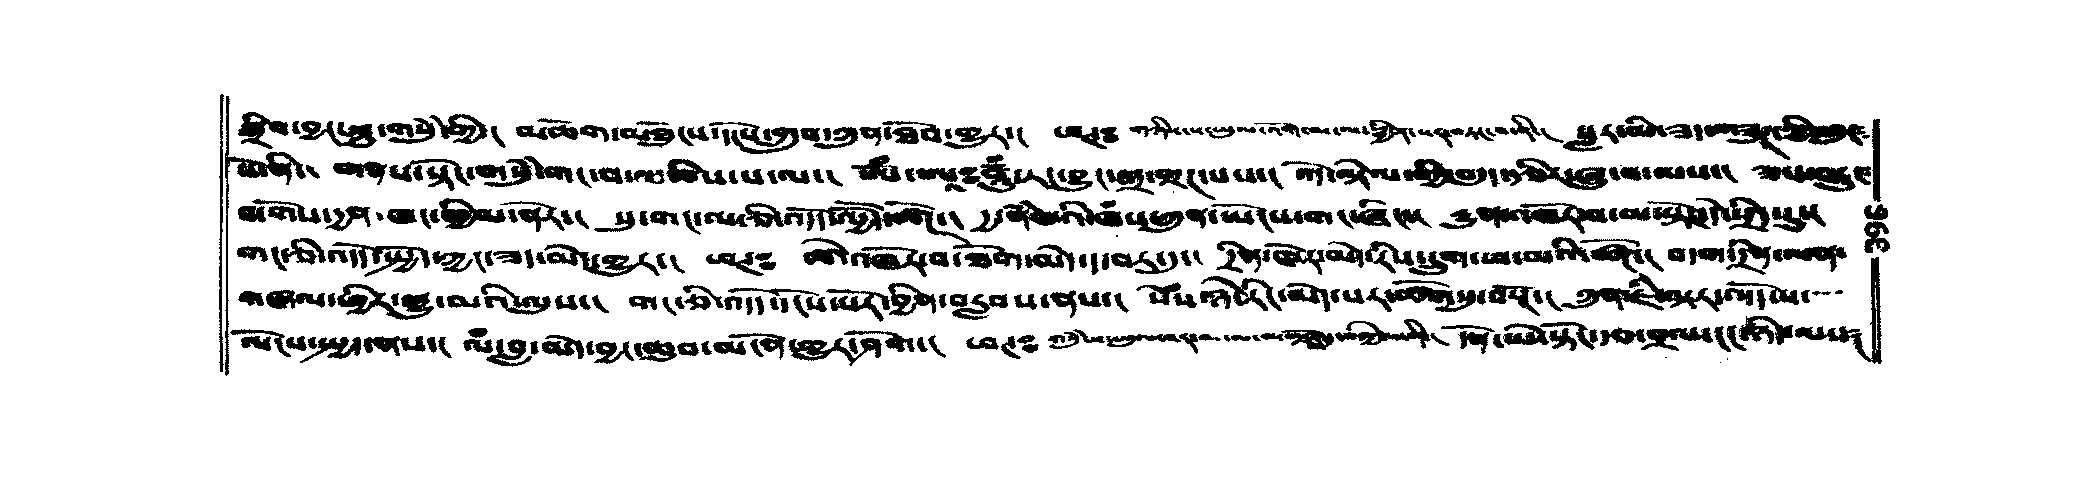སྒྲིབ་བྱང་སྐུ་གསུམ་གྱི། །མཆོག་ཐུན་མོངས་དངོས་གྲུབ་ཀུན་ཐོབ་གྱུར། ཕཊཿགཉིས་པ་ཡུལ་འོག་མ་ལ་སྦྱིན་པར་བཏང་བ་ནི། སླར་མི་ཟད་གཟུགས་ཀྱི་ཕུང་
པོ་ནི། །གནས་སྟོང་གསུམ་གང་བ་མཆིས་པ་ལ། །ཨོྃ་ཨཱཿཧཱུྂ་རང་བྱུང་སྒྲ་གྲགས་པས། །འོད་ལྟེམ་གྱི་བདུད་རྩིར་ཞུ་བ་ལས། །ཟས་བཏུང་
བ་གོས་རྒྱན་ཁང་ཁྱིམ་ནོར། །སུ་གང་ལ་ཅི་འདོད་ལོངས་སྤྱོད་ཚོགས། །རྒྱ་ནམ་མཁའི་ཁམས་ཀུན་ཡོངས་གང་ཞིང་། །རྒྱུན་འཁོར་བ་མ་སྟོང་དེ་སྲིད་དུ། །
གང་ཅི་འདོད་སྤྱོད་ཀྱང་ཟག་མེད་གྱུར། །ཕཊཿཚེ་འཁོར་བ་ཐོག་མེད་ད་བར་དུ། །དྲིན་འཁོར་མེད་རིས་དྲུག་ཕ་མའི་ཚོགས། །བདག་དྲིན་ལན་
གཞལ་ཕྱིར་སྒྱུ་མའི་ལུས། །གང་ཅི་འདོད་དངོས་པོར་བྱིན་རླབས་ནས། །སེམས་ཉེ་རིང་མེད་པར་ཚོགས་སུ་བསྔོ་། །ཀུན་ཇི་ལྟར་འདོད་པ་
ལོངས་སྤྱད་ནས། །ལམ་བླ་མེད་བྱང་ཆུབ་མངོན་གྱུར་ནས། །ཕཊཿགསུམ་པ་ཡུལ་བར་མ་ལ་མགྲོན་དུ་བགྱེས་པ་ནི། དོན་ཡེ་སྟོང་རྩ་བྲལ་ངང་ཉིད་ལས། །